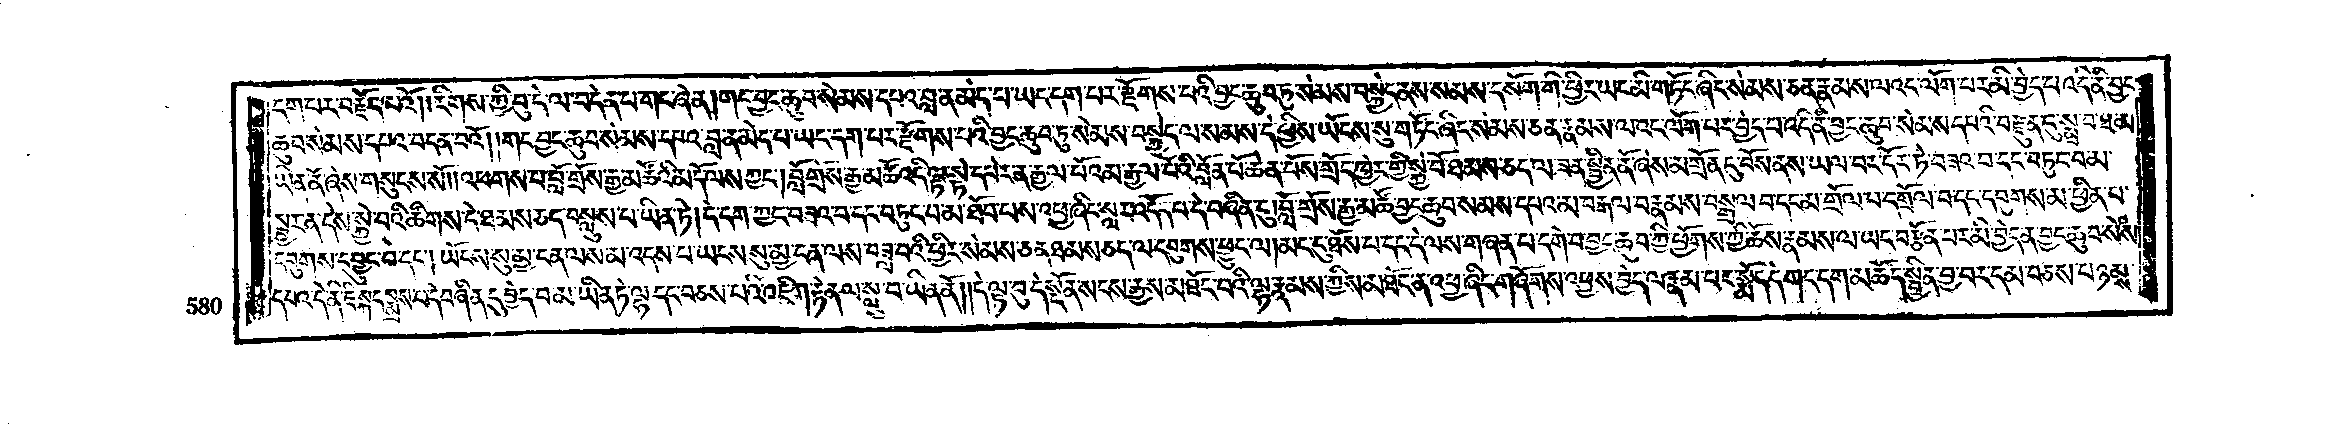དག་པར་བརྗོད་པའོ། །རིགས་ཀྱི་བུ་དེ་ལ་བདེན་པ་གང་ཞེ་ན། གང་བྱང་ཆུབ་སེམས་དཔའ་བླ་ན་མེད་པ་ཡང་དག་པར་རྫོགས་པའི་བྱང་ཆུབ་ཏུ་སེམས་བསྐྱེད་ནས་སམས་དྶོག་གི་ཕྱིར་ཡང་མི་གཏོང་ཞིང་སེམས་ཅན་རྣམས་ལའང་ལོག་པར་མི་བྱེད་པ་འདི་ནི་བྱང་
ཆུབ་སེམས་དཔའ་བདེན་པའོ། །གང་བྱང་ཆུབ་སེམས་དཔའ་བླ་ན་མེད་པ་ཡང་དག་པར་རྫོགས་པའི་བྱང་ཆུབ་ཏུ་སེམས་བསྐྱེད་ལ་སམས་དེ་ཕྱིས་ཡོངས་སུ་གཏོང་ཞིང་སེམས་ཅན་རྣམས་ལ་འང་ལོག་པར་བྱེད་པ་འདི་ནི་བྱང་ཆུབ་སེམས་དཔའི་བརྫུན་དུ་སྨྲ་བ་ཐ་མ་
ཡིན་ནོ་ཞེས་གསུངས་སོ། །འཕགས་པ་བློ་གྲོས་རྒྱ་མཚོའི་མདོ་ལས་ཀྱང་། བློ་གྲོས་རྒྱ་མཚོ་འདི་ལྟ་སྟེ་དཔེར་ན་རྒྱལ་པོའམ་རྒྱལ་པོའི་བློན་པོ་ཆེན་པོས་གྲོད་ཁྱེར་གྱི་སྐྱེ་བོ་ཐམས་ཅད་ལ་ཟན་སྦྱིན་ནོ་ཞེས་མགྲོན་དུ་བོས་ནས་ཡལ་བར་དོར་ཏེ་བཟའ་བ་དང་བཏུང་བ་མ་
སྦྱར་ན་དེས་སྐྱེ་བའི་ཚིགས་དེ་ཐམས་ཅད་བསླུས་པ་ཡིན་ཏེ། དེ་དག་ཀྱང་བཟའ་བ་དང་བཏུང་པ་མ་ཐོབ་པས་འཕྱ་ཞིང་སླར་འདོད་པ་དེ་བཞིན་དུ། བློ་གྲོས་རྒྱ་མཚོ་བྱང་ཆུབ་སམས་དཔའ་མ་བརྒལ་བ་རྣམས་བསྒྲལ་བ་དང་མ་གྲོལ་པ་དགྲོལ་བ་དང་དབུགས་མ་ཕྱིན་པ་
དབུགས་དབྱུང་བེ་དང་། ཡོངས་སུ་མྱ་ངན་ལས་མ་འདས་པ་ཡོངས་སུ་མྱ་ངན་ལས་བཟླ་བའི་ཕྱིར་སེམས་ཅན་ཐམས་ཅད་ལ་དབུགས་ཕྱུང་ལ། མང་དུ་ཐོས་པ་དང་དེ་ལས་གཞན་པ་དགེ་བ་བྱང་ཆུབ་ཀྱི་ཕྱོགས་ཀྱི་ཆོས་རྣམས་ལ་ཡང་བརྩོན་པར་མི་བྱེད་ན་བྱང་ཆུབ་སེམས་
དཔའ་དེ་ནི་ཇི་སྐད་སྨྲས་པ་དེ་བཞིན་དུ་བྱེད་བ་མ་ཡིན་ཏེ་ལྷ་དང་བཅས་པའི་འཇིག་རྟེན་ལ་སླུ་བ་ཡིན་ནོ། །དེ་ལྟ་བུ་དེ་སྔོན་སངས་རྒྱས་མཐོང་བའི་ལྷ་རྣམས་ཀྱིས་མཐོང་ན་འཕྱ་ཞིང་གཞོགས་འཕྱས་བྱེད་ལ་རྣམ་པར་སྨོད་དེ་གང་དག་མཆོད་སྦྱིན་བྱ་བར་དམ་བཅས་པ་ཉམས་